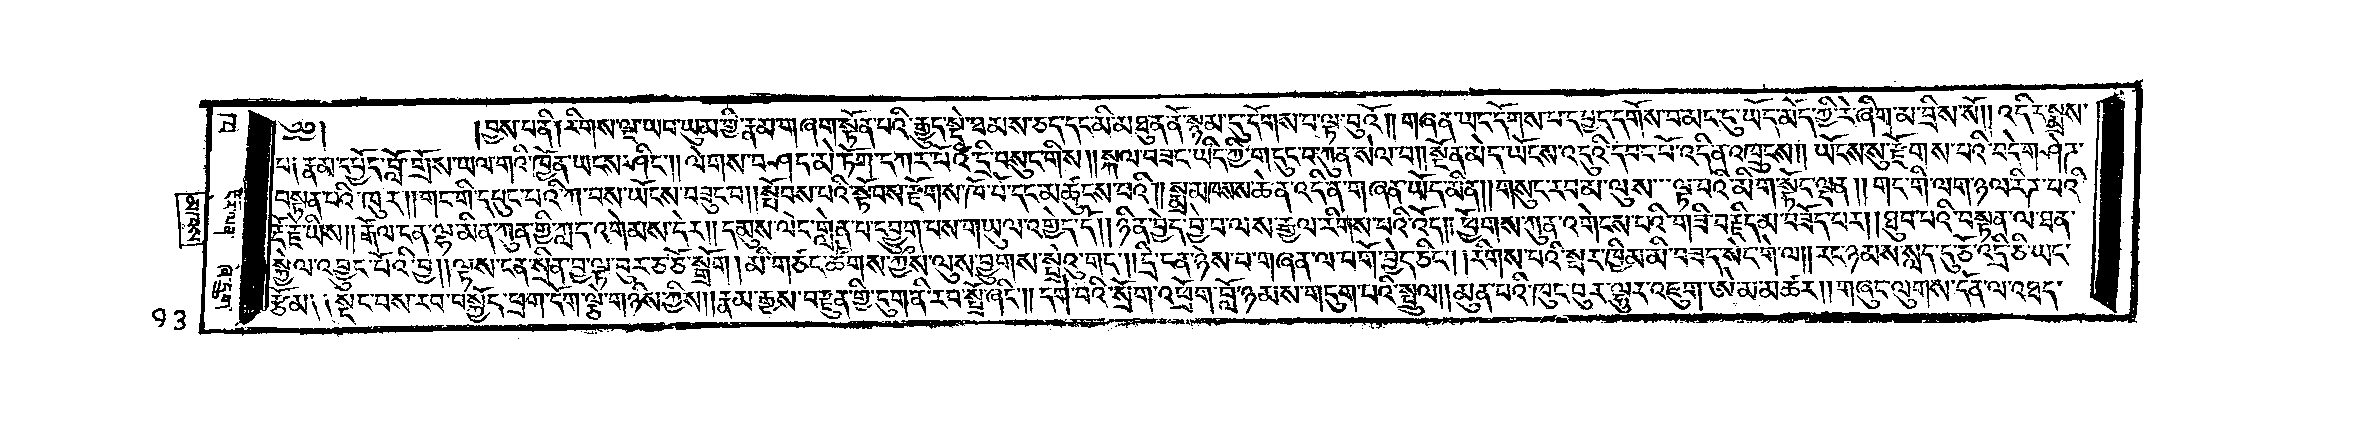༄༅། །བྱས་པ་ནི། རིགས་ལྔ་ཡབ་ཡུམ་གྱི་རྣམ་གཞག་སྟོན་པའ་རྒྱུད་སྡེ་ཐམས་ཅད་དང་མི་མཐུན་ནོ་སྙམ་དུ་དོགས་པ་ལྟ་བུའོ། །གཞན་ཡང་དོགས་པ་དཔྱད་དགོས་པ་མང་དུ་ཡོད་མོད་ཀྱི་རེ་ཞིག་མ་བྲིས་སོ། །འདིར་སྨྲས་
པ། རྣམ་དཔྱོད་བློ་བྲོས་ཡལ་གའི་ཁྱོན་ཡངས་ཤིང་། །ལེགས་བཤད་མེ་ཏོག་དཀར་པོའི་དྲི་བསུང་གིས། །སྐལ་བཟང་ཡིད་ཀྱི་གདུང་བ་ཀུན་སེལ་བ། །སྔོན་མེད་ཡོངས་འདུའི་དབང་པོ་འདི་ན་འཁྲུངས། །ཡོངས་སུ་རྫོགས་པའི་བདེ་གཤེགས་
བསྟན་པའི་ཁུར། །གང་གི་དཔུང་པའི་ཀ་བས་ཡོངས་བཟུང་བ། །སྤོབས་པའི་སྟོབས་རྫོགས་ཁོ་བོ་དང་མཚུངས་པའི། །སྨྲ་མཁས་ཆེ་ན་འདི་ན་གཞན་ཡོད་མིན། །གསུང་རབ་མ་ལུས་ལྟ་བའི་མིག་སྟོང་ལྡན། །གང་གི་ལག་ཉལ་རིགས་པའི་
རྡོ་རྗེ་ཡིས། །རྒོལ་ངན་ལྷ་མིན་ཀུན་གྱི་ཀླད་འགེམས་དེར། །དམུས་ལེང་གླེན་པ་དབྱུག་པས་གཡུལ་འགྱེད་དོ། །ཉིན་བྱེད་བྱེ་བ་ལས་རྒྱལ་རིགས་པའི་འོད། །ཕྱོགས་ཀུན་འགེངས་པའི་གཟི་འྲྗིད་མ་བཟོད་པར། །ཐུབ་པའི་བསྟན་ལ་ཐན་
སྐྱེ་ལ་འབྱུང་པོའི་བྱ། །ལྟས་ངན་སྲིན་བྱ་ལྟ་བུར་ཅ་ཅོ་སྒྲོག། མི་གཙང་ཚོགས་ཀྱིས་ལུས་བྱུགས་སྤྲེའུ་གང་། །དྲི་ངན་ཉེས་པ་གཞན་ལ་བགོ་བྱེད་ཅིང་། །རིགས་པའི་སྦར་ཁྱིམ་མི་བཟད་སེང་གེ་ལ། །རང་ཉམས་སླད་དུ་ཅོ་འདྲི་ཅི་ཡང་
རྩོམ། །སྡང་བས་རབ་བསྐྱོད་ཕྲག་དོག་ལྕེ་གཉིས་ཀྱིས། །རྣམ་རྒྱས་བརྫུན་གྱི་དུག་ནི་རབ་སྤྲོ་ཞིང་། །དགེ་བའི་སྲོག་འཕྲོག་བློ་ཉམས་གདུག་པའི་སྤྲུལ། །མུན་པའི་ཁུང་བུར་ལྷུར་འཇུག་ཨེ་མ་མཚར། །གཞུང་ལུགས་སོན་ལ་འཐད་